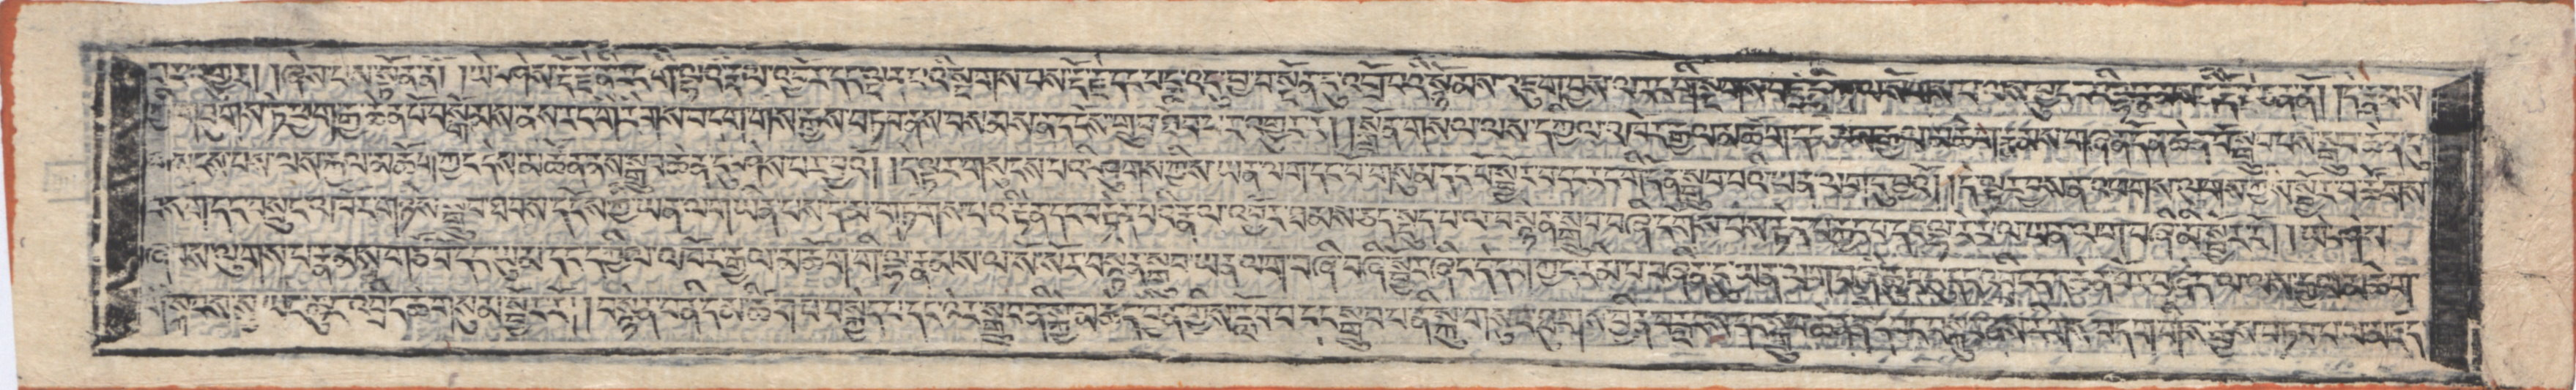པར་འགྱུར། །ཞེས་པས་སྟོན་ནོ། །ཡེ་ཤེས་རྡོ་རྗེ་ནི་རང་གི་ལྷའི་རྣལ་འབྱོར་དང་ལྡན་པའི་སྔགས་པས་རྡོ་རྗེ་དང་པདམ་འདུ་བྱ་བ་སྔོན་དུ་འགྲོ་པའི་སྙོམས་འཇུག་བྱས་ལ་རང་གི་སྔགས་བཛྲ་དྷྲི་ཀ་ལ་སོགས་པ་ལས་བྱུང་བའི་ལྷ་རྣམས་ནི་རྡོ་རྗེ་ཅན་ནོ། །དེ་རྣམས་
ཀྱི་གཟུགས་ཏེ་ཕྱག་རྒྱ་ཆེན་པོ་བསྒོམས་ནས་རང་གི་རིགས་བདག་གིས་རྒྱས་བཏབ་ནས་བསམས་ན་དངོས་གྲུབ་ཐོབ་པར་འགྱུར་རོ། །སྒྲོན་གསལ་ལས་དཀྱིལ་འཁོར་རྒྱལ་མཆོག་དང་ལས་རྒྱལ་མཆོག་རྣམས་གཞན་དོན་ཆེན་པོ་སྒྲུབ་པས་སྒྲུབ་ཆེན་དུ་
གསུངས་པས་ལས་རྒྱལ་མཆོག་ཀྱང་དེས་མཚོན་ནས་སྒྲུབ་ཆེན་དུ་ཤེས་པར་བྱའོ། །དེ་ལྟར་གསུངས་པའི་ཤུགས་ཀྱིས་ཡན་ལག་དང་པོ་གསུམ་དང་པོ་སྦྱོར་བ་དང་རང་གི་དོན་སྒྲུབ་པའི་ཡན་ལག་དུ་བྱའོ། །དེ་ལྟར་བྱས་ན་འཕགས་ལུགས་ཀྱིས་སྦྱོར་བ་ཚོགས་
བསག་དང་བསྲུང་འཁོར་གཉིས་སྒྲུབ་ཐབས་དངོས་ཀྱི་ཡན་ལག་ཡིན་པས་དེ་མ་གཏོགས་པའི་རྟེན་དང་བརྟེན་པའི་རྣལ་འབྱོར་ཐམས་ཅད་སྡུད་པ་ལ་བསྙེན་སྒྲུབ་བཞི་དགོས་པས་རྟེན་པ་རྐྱང་པ་དང་ལྷ་རེ་རེ་ལ་ཡན་ལག་བཞི་མི་སྦྱོར་རོ། །ཡེ་ཤེས་
ཞབས་ལུགས་པ་རྣམས་གཙོ་བོ་དང་ཡུམ་དང་དཀྱིལ་མཆོག་གི་ལྷ་རྣམས་ལ་སོ་སོར་བསྙེན་སྒྲུབ་ཡན་ལག་བཞི་བཞི་སྦྱོར་ཞིང་དེ་དག་ཀྱང་རིམ་པ་བཞིན་དུ་ཡན་ལག་བཞི་ཆུང་ངུ་དང་འབྲིང་དང་ཆེན་པོར་བཞེད་ལ་ལས་རྒྱལ་མཆོག་
གི་སྐབས་སུ་ཡང་ཆུང་འབྲིང་ཆེ་གསུམ་སྦྱོར་རོ། །བསྙེན་པ་ནི་དམ་ཚིག་པ་བསྐྱེད་པ་དང་ཉེར་སྒྲུབ་ནི་སྐྱེ་མཆེད་བྱིན་གྱིས་རློབ་པ་དང་སྒྲུབ་པ་ནི་སྐུ་གསུང་ཐུགས་བྱིན་བརླབས་དང་སྒྲུབ་ཆེན་ནི་དབང་བསྐུར་ནས་རིགས་བདག་གིས་རྒྱས་བཏབ་པ་ལ་མཛད་